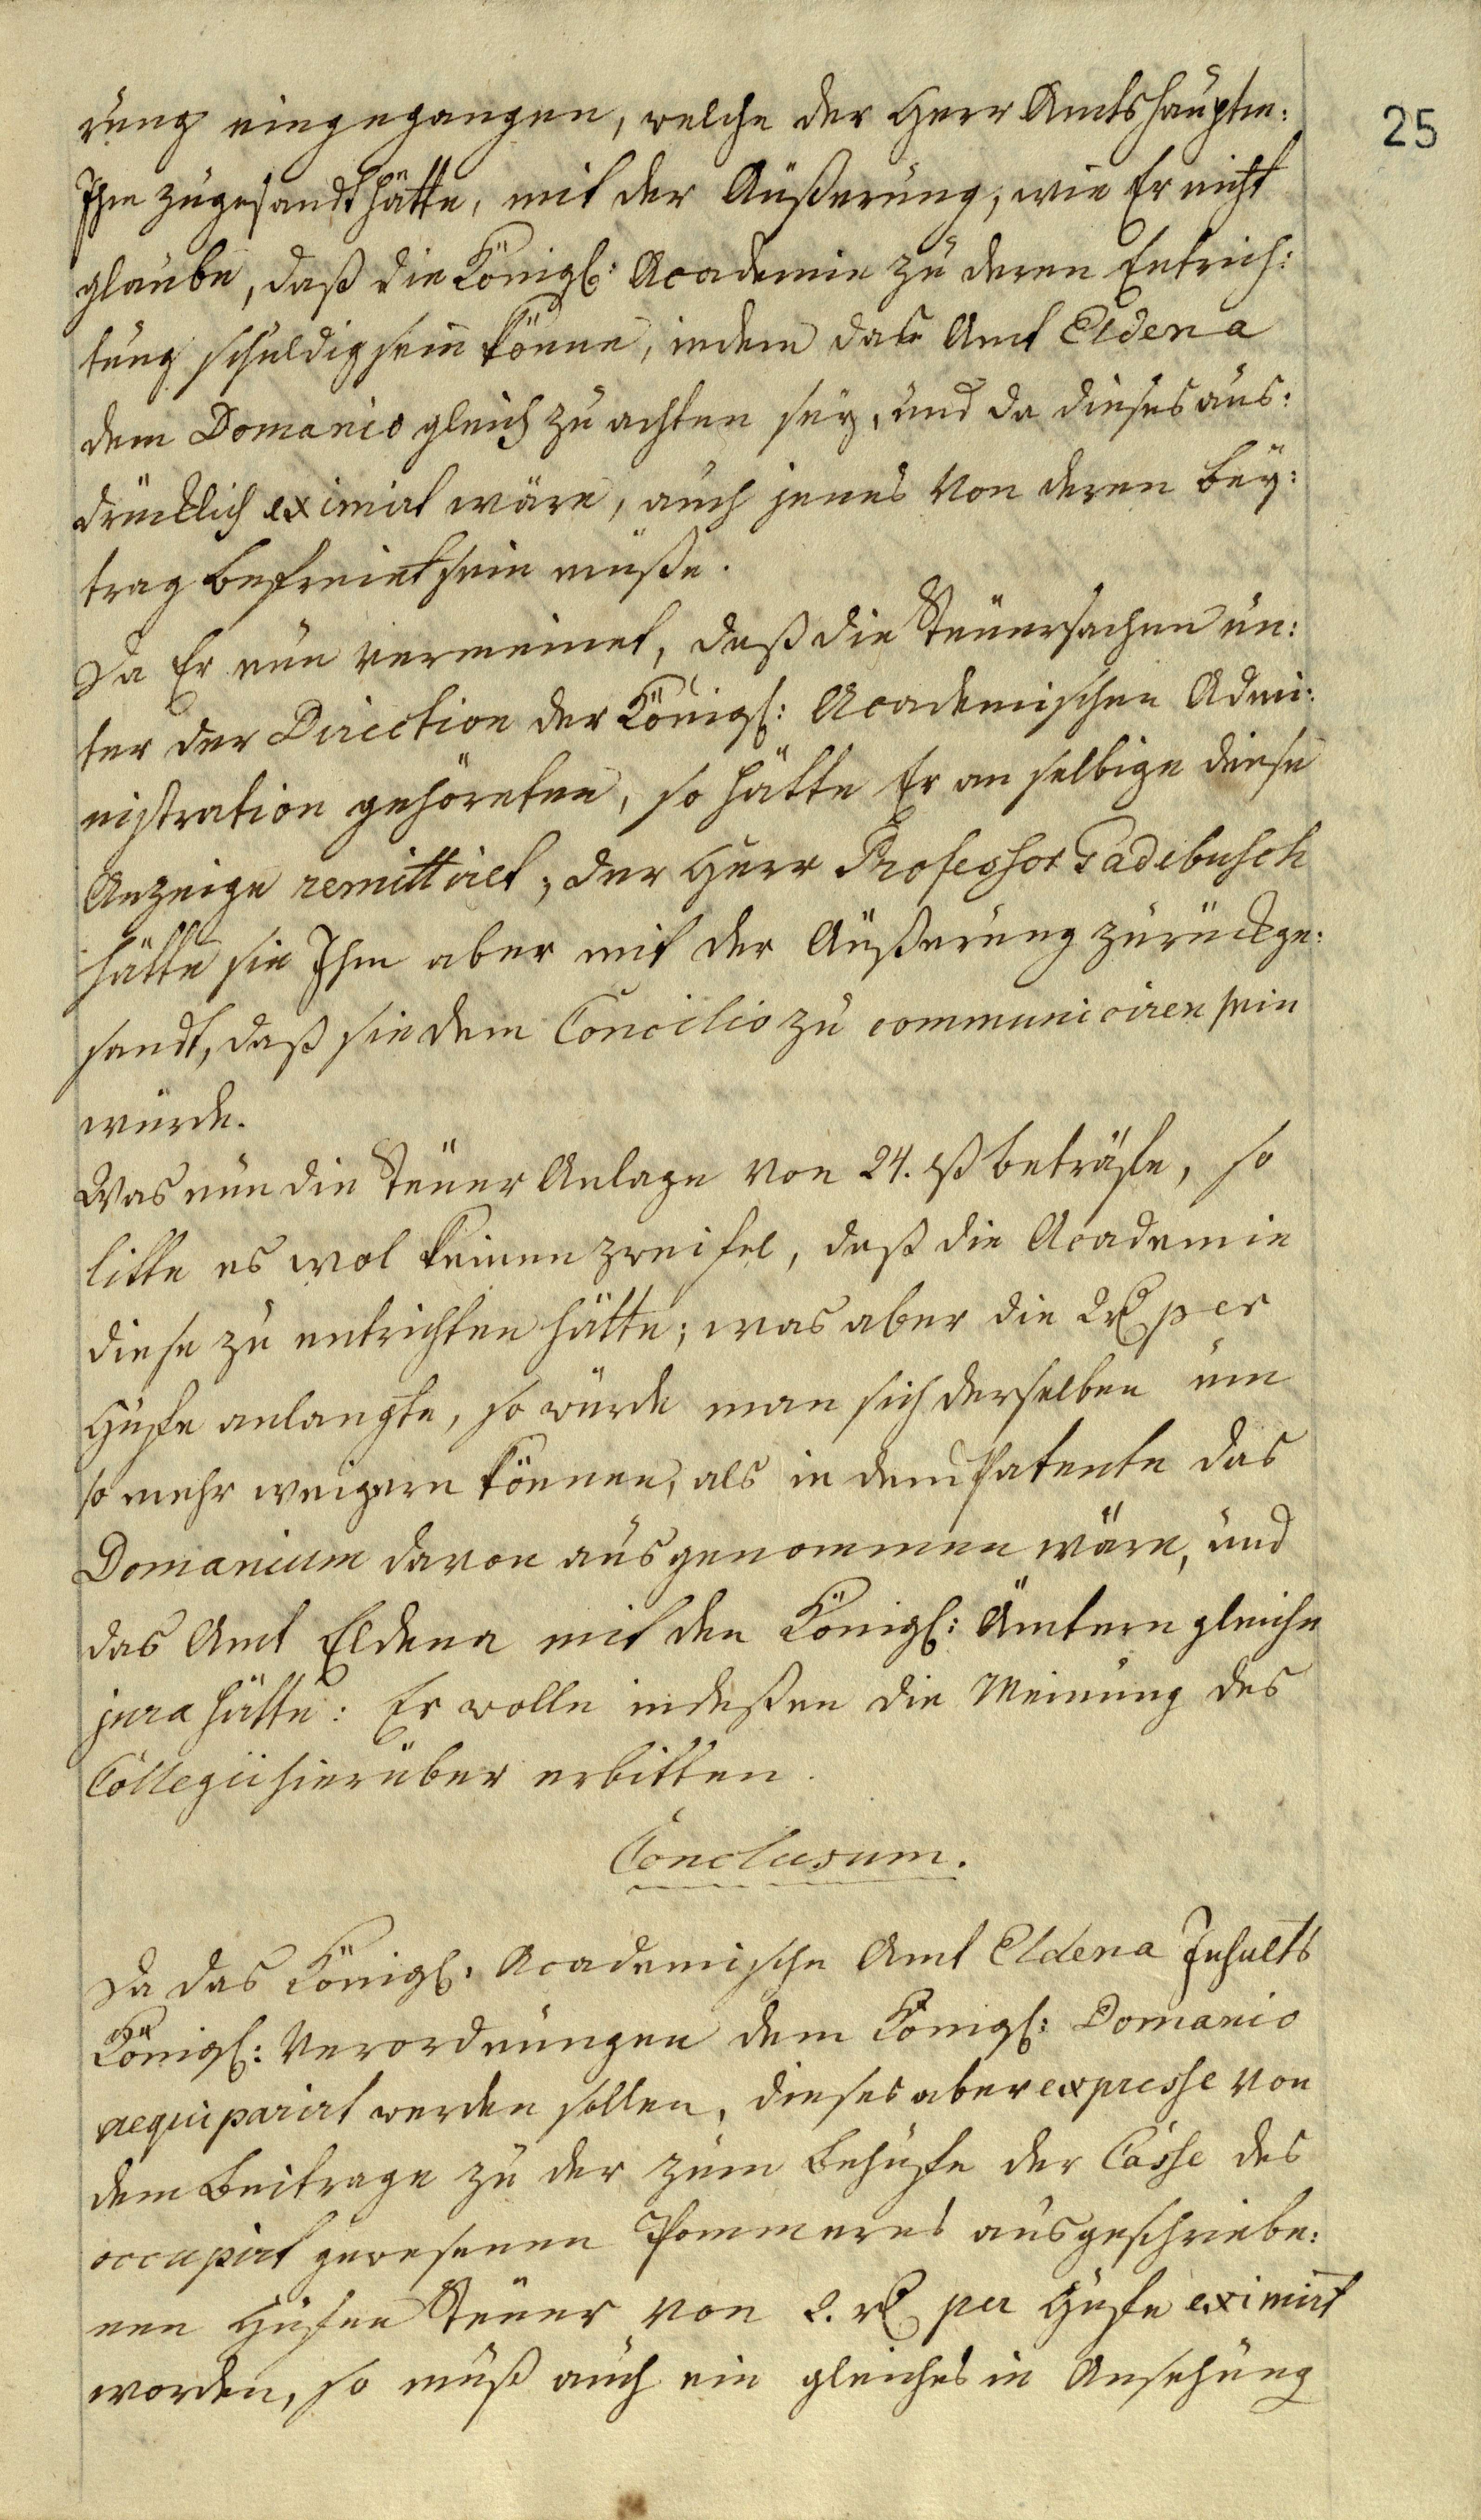rung eingegangen, welche der Herr Amtshauptm.
Ihm zugesandt hätte, mit der Äußerung, wie Er nicht
glaube, daß die Königl. Academie zu deren Entrich¬
tung schuldig sein könne, indem das Amt Eldena
dem Domanio gleich zu achten seÿ, und da dieses aus¬
drücklich ex imirt wäre, auch jenes von deren Beÿ¬
trag befreiet sein müße.
Da Er nun vermeinet, daß die Steuersachen un¬
ter der Direction der Königl. Academischen Admi¬
nistration gehöreten, so hätte Er an selbige diese
Anzeige remittiret, der Herr Professor Gadebusch
hätte sie Ihm aber mit der Äußerung zurückge¬
sandt, daß sie dem Concilio zu communiciren sein
würde.
Was nun die Steuer Anlage von 24. s beträfe, so
litte es wol keinen Zweifel, daß die Academie
diese zu entrichten hätte; was aber die 2 rl. per
Hufe anlangte, so würde man sich derselben um
so mehr weigern können, als in dem Patente das
Domanium davon ausgenommen wäre, und
das Amt Eldena mit den Königl. Ämtern gleiche
jura hätte. Er wolle indeßen die Meinung des
Collegii hierüber erbitten.
Conclusum
Da das Königl. Academische Amt Eldena Inhalts
Königl. Verordnungen dem Königl. Domanio
aequiparirt werden sollen, dieser aber expresse
von dem Beitrage zu der zum Behufe der Casse des
occupirt gewesenen Pommerns ausgeschriebe¬
nen Hufen Steuer von 2 rl. per Hufe eximirt
worden, so muß auch ein gleiches in Ansehung